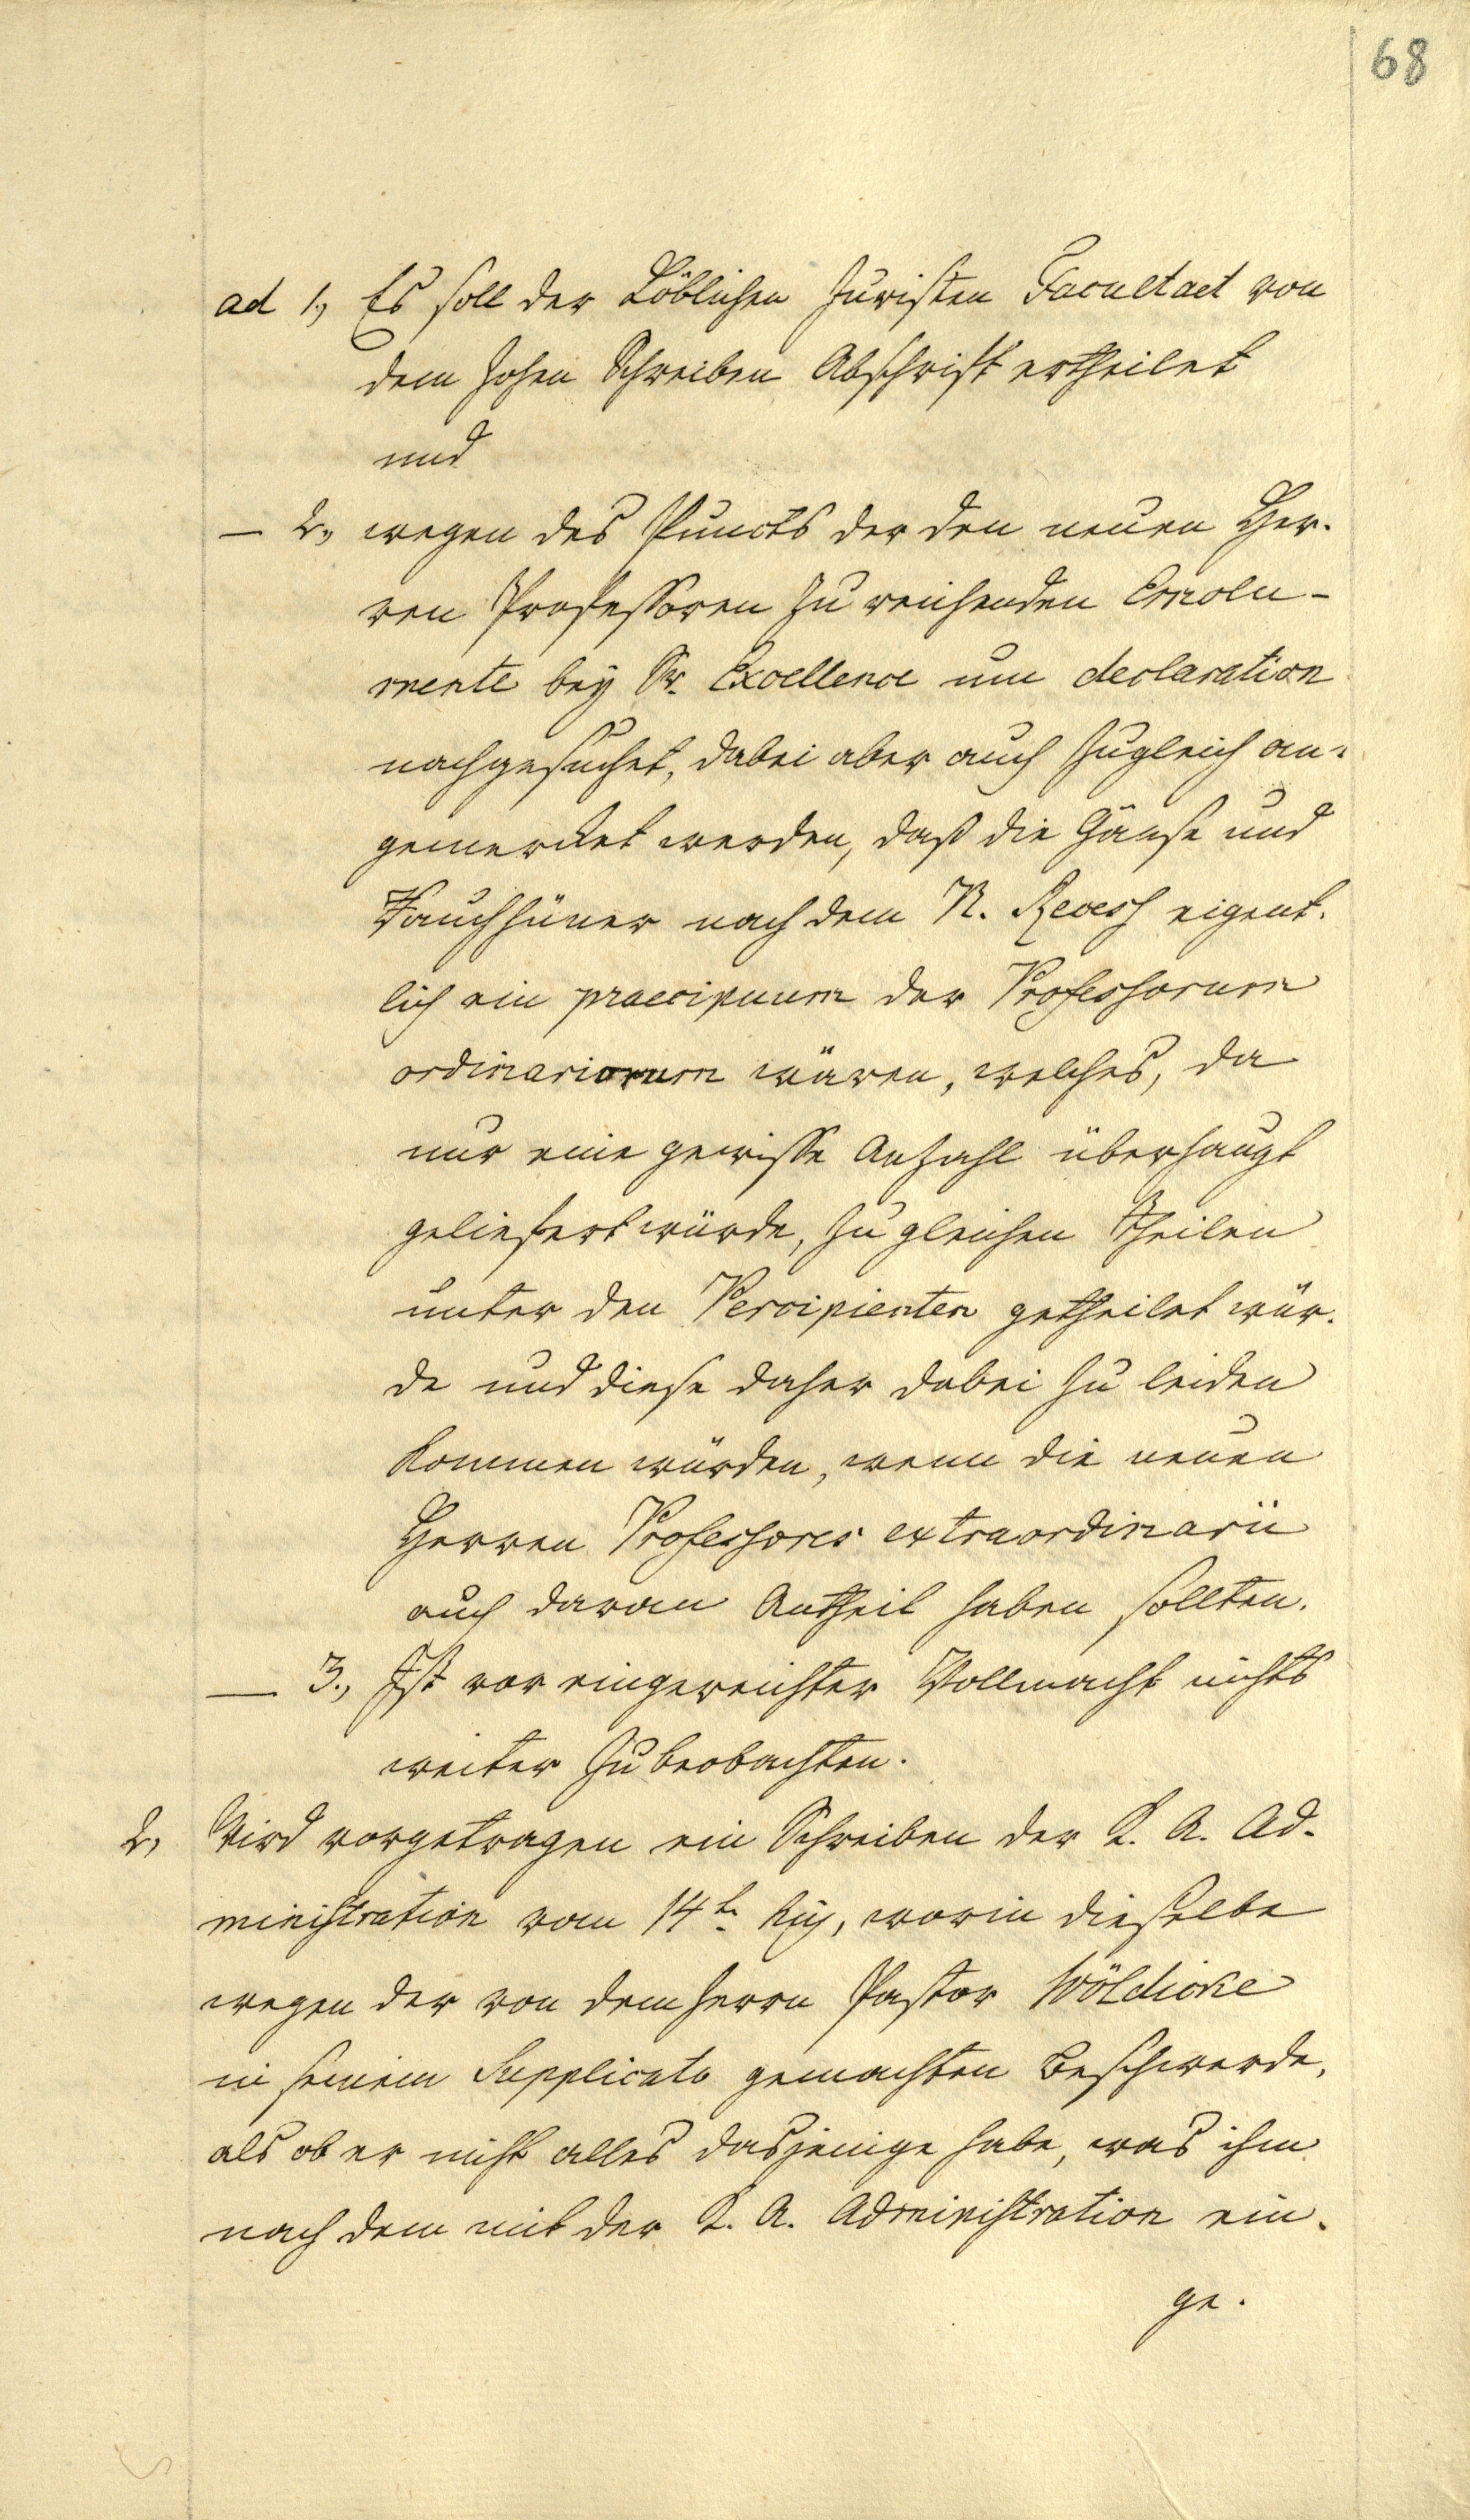ad 1, Es soll der Löblichen Juristen Facultaet von
dem hohen Schreiben Abschrift ertheilet
und
2. wegen des Puncts der den neuen Her¬
ren Professoren zu reichenden Emolu-
ente beÿ Sr Excellence um declaration
nachgesuchet, dabei aber auch zugleich an¬
gemercket werden, daß die Gänse und
Rauchhüner nach dem N. Recess eigent¬
lich ein praecipuum der Professorum
ordinariorum wären, welches, da
nur eine gewisse Anzahl überhaupt
geliefert würde, zu gleichen Theilen
unter den Percipienten getheilet wür-
de und diese daher dabei zu leiden
kommen würden, wenn die neuen
Herren Professores extraordinarii
auch daran Antheil haben sollten.
3., Ist vor eingereichter Vollmacht nichts
weiter zu beobachten.
2, Wird vorgetragen ein Schreiben der K. A. Ad¬
ministration vom 14 ten huj, worin dieselbe
wegen der von dem Herrn Pastor Wöldicke
in seinem Supplicato gemachten Beschwerde,
als ob er nicht alles dasjenige habe, was ihm
nach dem mit der K. A. Administration ein¬
ge-